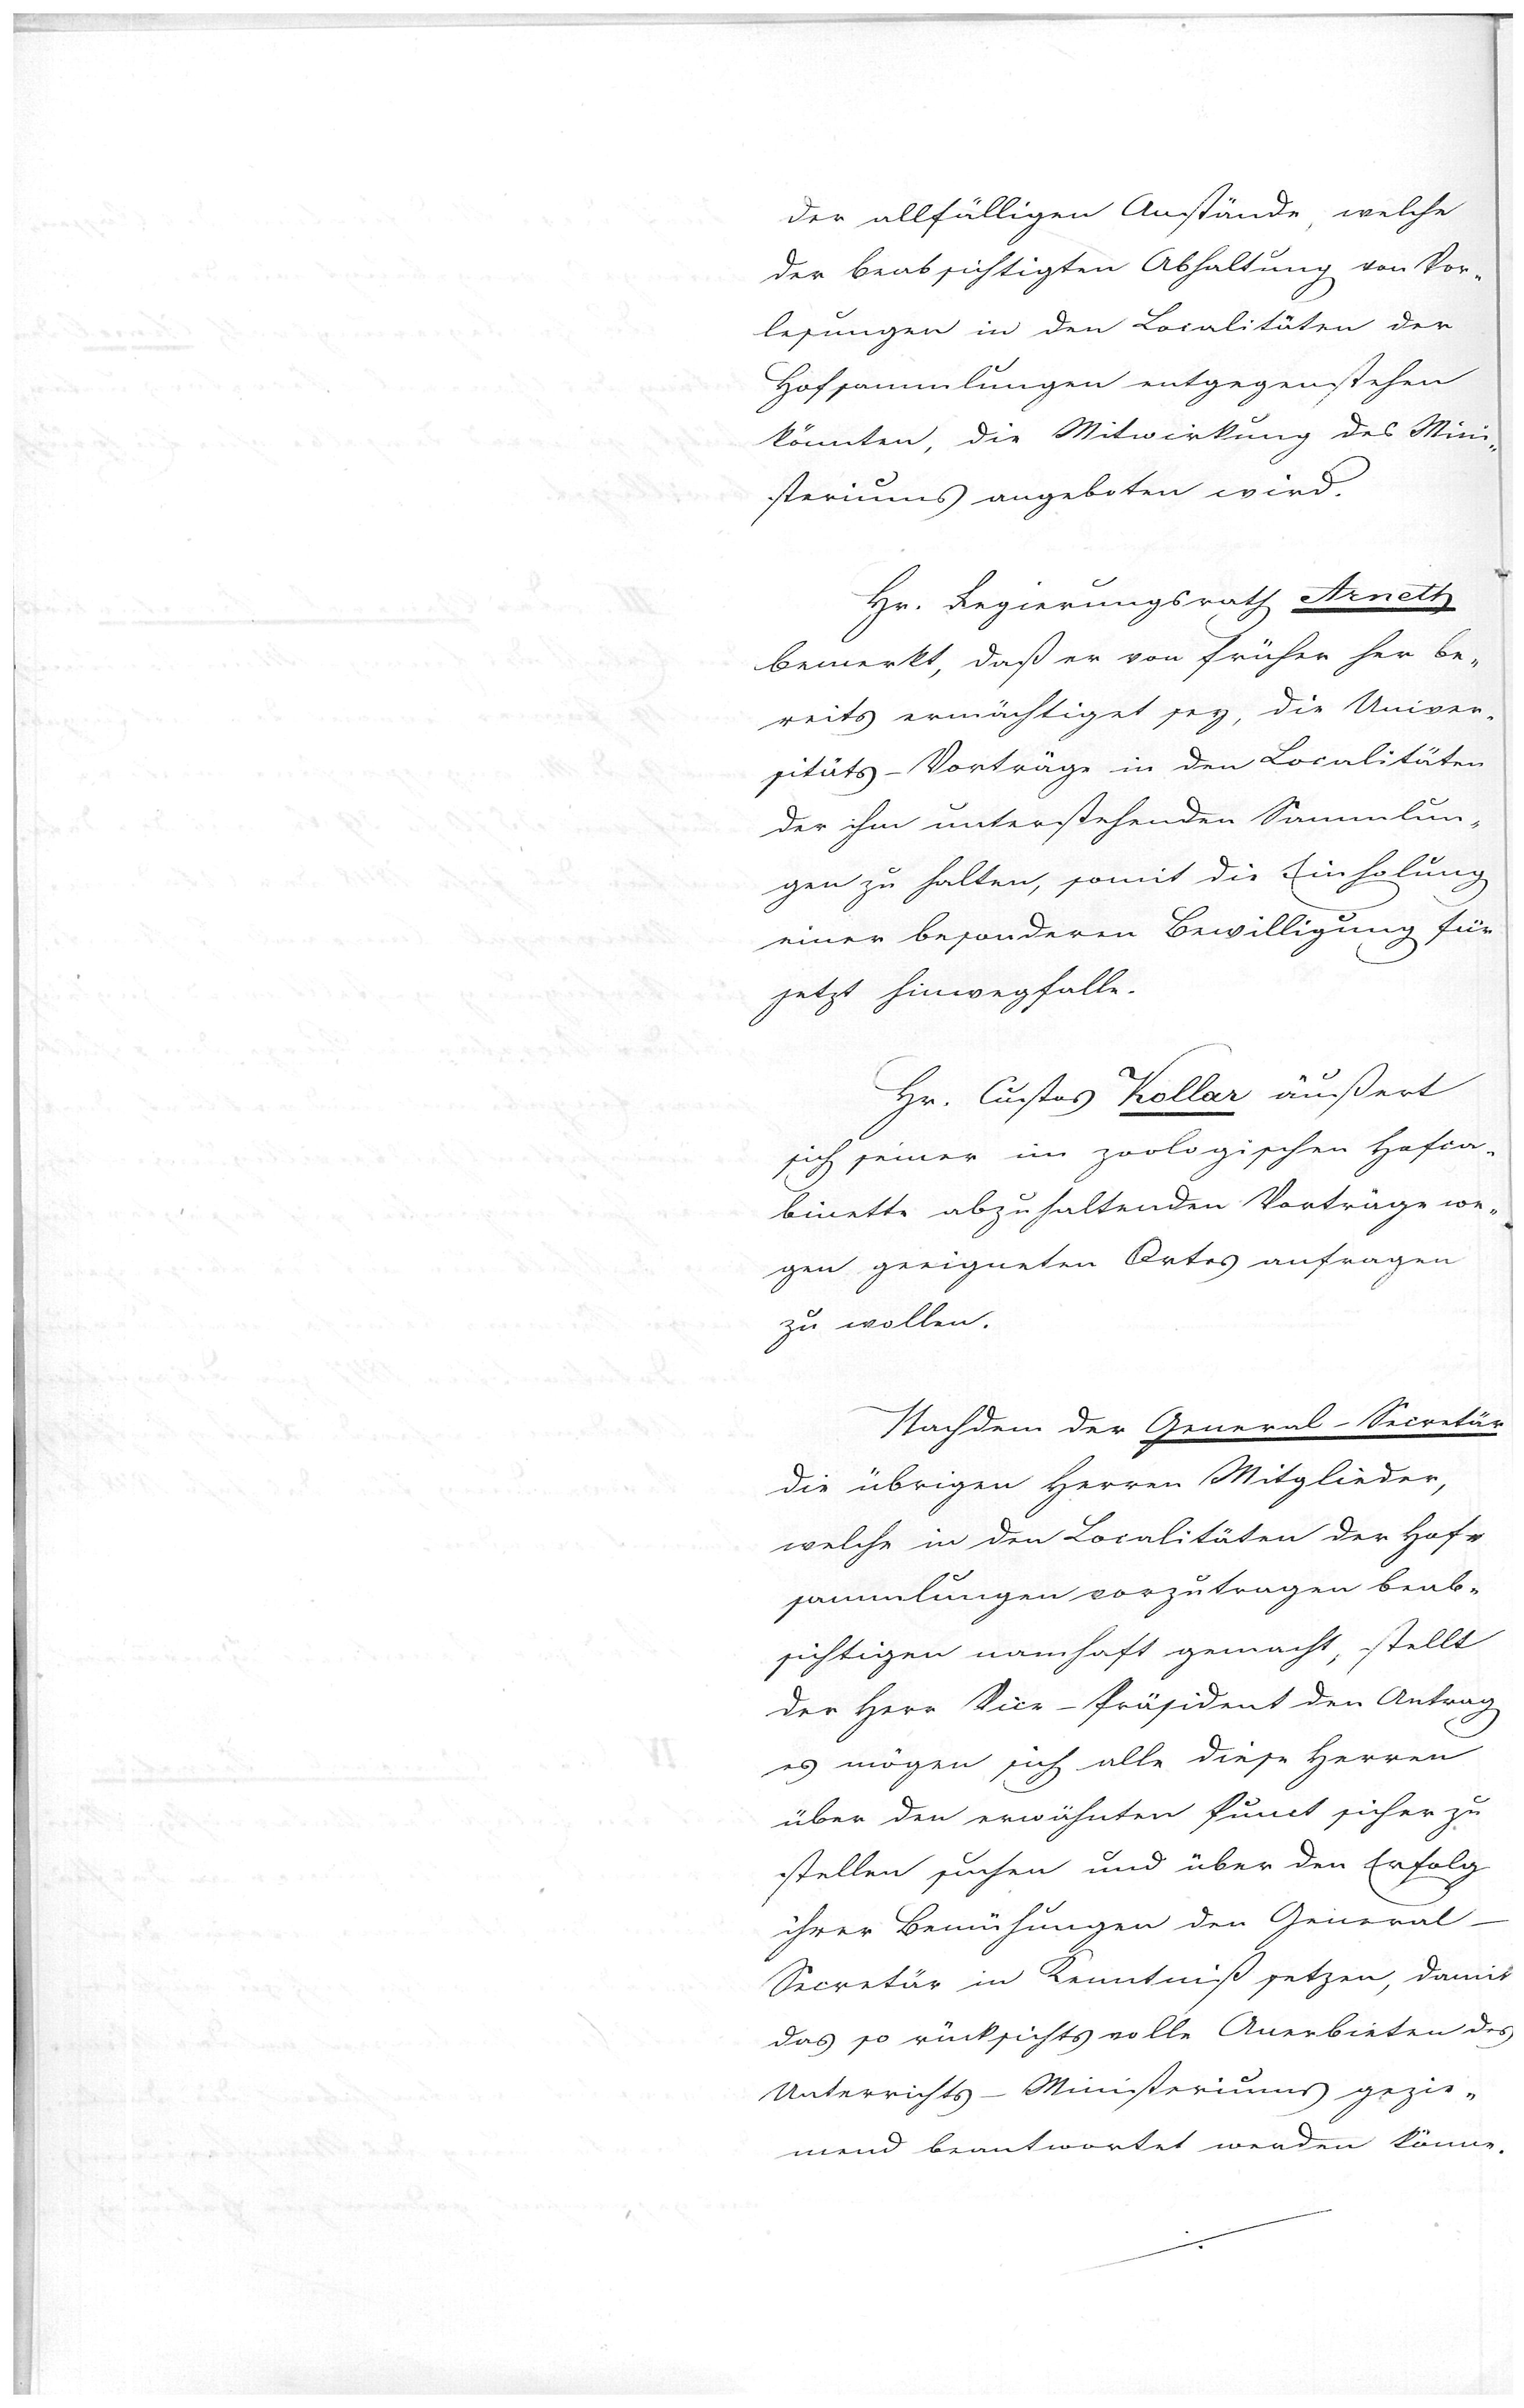der allfälligen Anstände, welche
der beabsichtigten Abhaltung von Vor-
lesungen in den Localitäten der
Hofsammlungen entgegenstehen
könnten, die Mitwirkung des Mini-
steriums angeboten wird.
Hr. Regierungsrath Arneth
bemerkt, daß er von früher her be-
reits ermächtiget sey, die Univer-
sitäts-Vorträge in den Localitäten
der ihm unterstehenden Sammlun-
gen zu halten, somit die Einholung
einer besonderen Bewilligung für
jetzt hinwegfalle.
Hr. Custos Kollar äußert
sich seiner im zoologischen Hofca-
binette abzuhaltenden Vorträge we-
gen geeigneten Ortes anfragen
zu wollen.
Nachdem der General-Secretär
die übrigen Herren Mitglieder,
welche in den Localitäten der Hof-
sammlungen vorzutragen beab-
sichtigen namhaft gemacht, stellt
der Herr Vice-Präsident den Antrag
es mögen sich alle diese Herren
über den erwähnten Punct sicher zu
stellen suchen und über den Erfolg
ihrer Bemühungen den General-
Secretär in Kenntniß setzen, damit
das so rücksichtsvolle Anerbieten des
Unterrichts-Ministeriums gezie-
mend beantwortet werden könne.